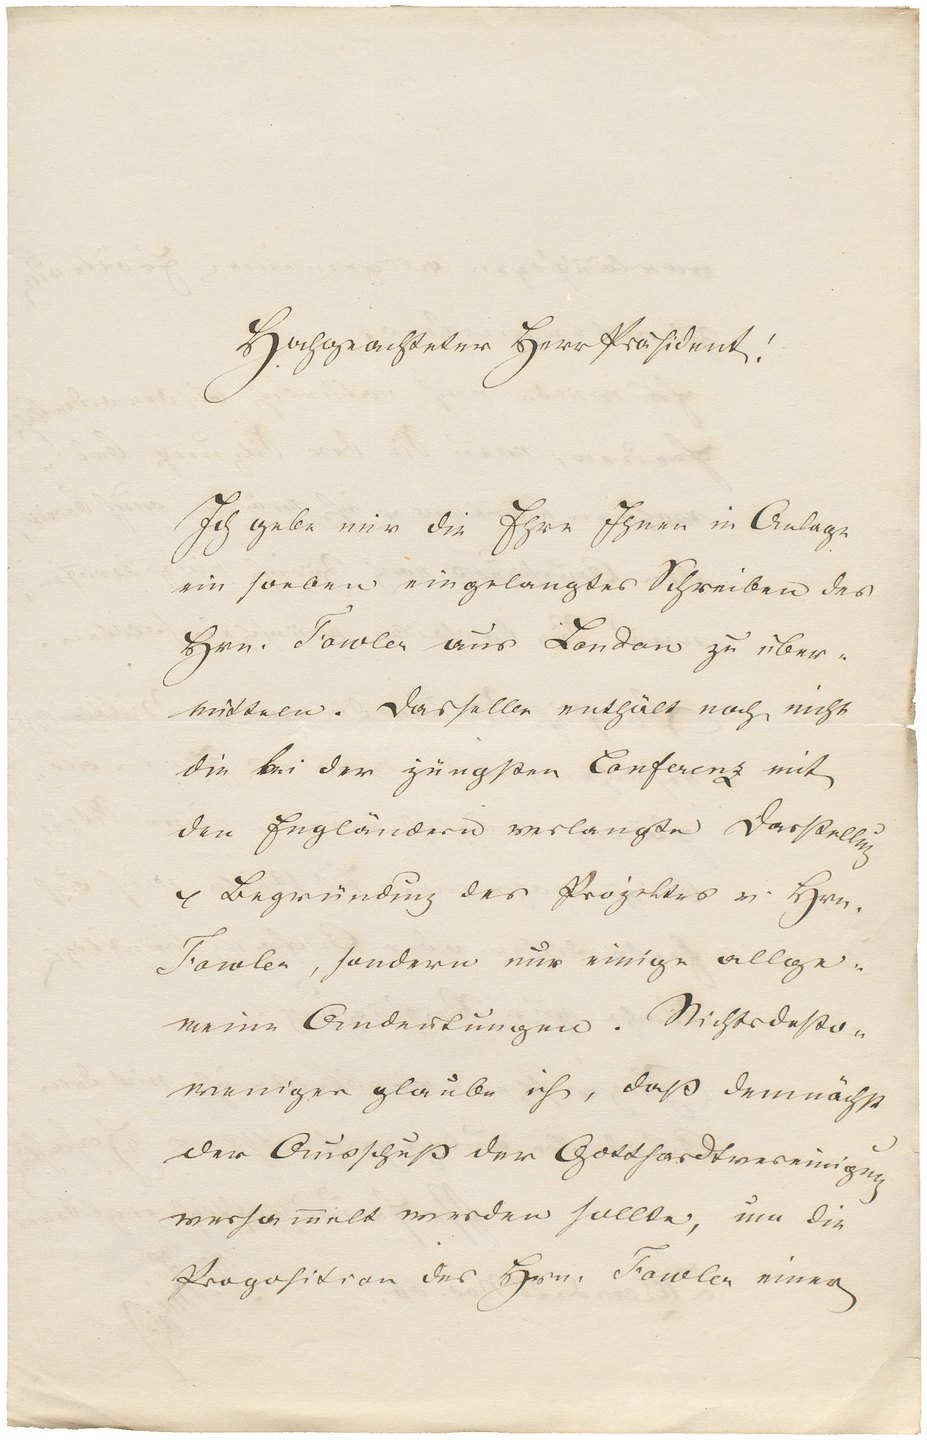Hochgeachteter Herr Präsident!
Ich gebe mir die Ehre Ihnen in Anlage
ein soeben eingelangtes Schreiben des
Hrn. Fowler aus London zu über-
mitteln. Dasselbe enthält noch nicht
die bei der jüngsten Conferenz mit
den Engländern verlangte Darstellung
& Begründung des Projektes v. Hrn.
Fowler, sondern nur einige allge-
meine Andeutungen. Nichtsdesto-
weniger glaube ich, daß demnächst
der Ausschuß der Gotthardtvereinigung
versammelt werden sollte, um die
Proposition des Hrn. Fowler einer